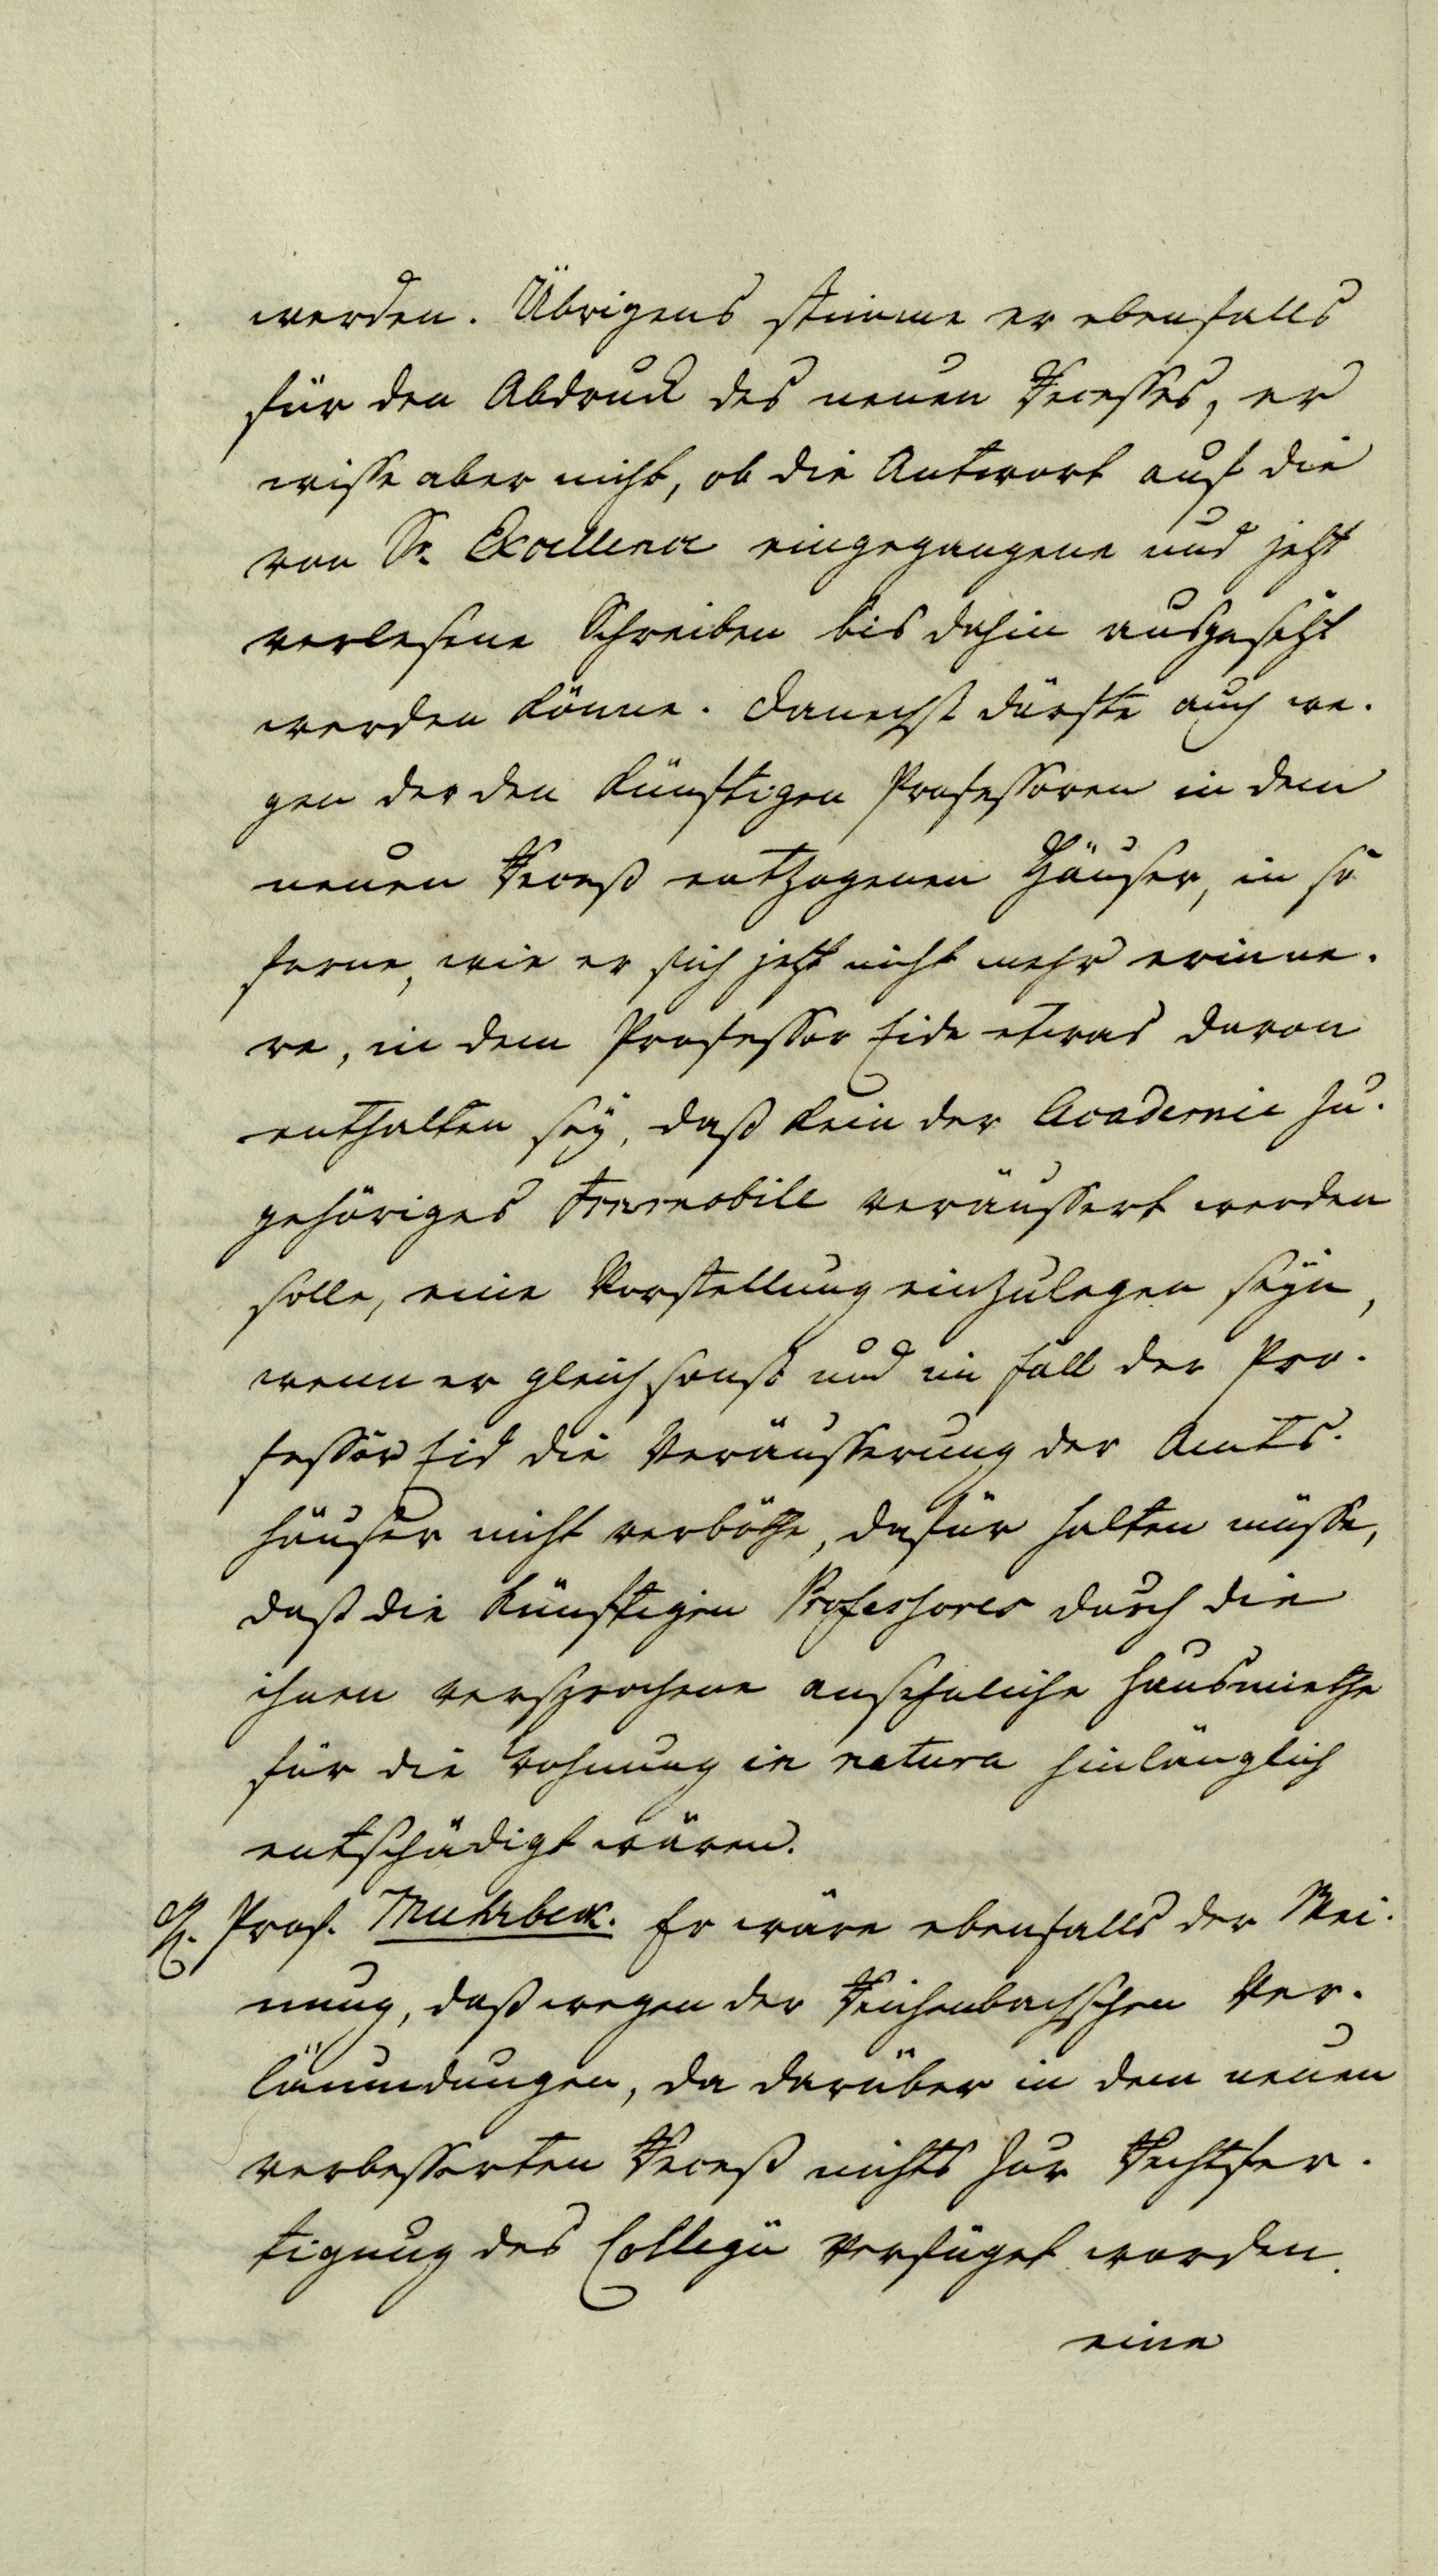werden. Übrigens stimme er ebenfalls
für den Abdruck des neuen Recesses, er
wisse aber nicht, ob die Antwort auf die
von Sr Excellence eingegangene und jetzt
verlesene Schreiben bis dahin ausgesetzt
werden könne. Danechst dürfte auch we¬
gen der den künftigen Professoren in dem
neuen Receß entzogenen Häuser, in so
ferne, wie er sich jetzt nicht mehr erinne¬
re, in dem Professor Eide etwas davon
enthalten seÿ, daß kein der Academie zu¬
gehöriges Immobile veräussert werden
solle, eine Vorstellung einzulegen seÿn,
wenn er gleich sonst und in Fall der Pro¬
tessor Eid die Veräusserung der Amts¬
häuser nicht verböthe, dafür halten müsse,
daß die künftigen Professores durch die
ihnen versprochene ansehnliche Hausmiethe
für die Wohnung in natura hinlänglich
entschädigt wären.
dh. Prof. Muhrbeck. Er wäre ebenfalls der Mei¬
nung, daß wegen der Reichenbachschen Ver¬
läumdungen, da darüber in dem neuen
verbesserten Receß nichts zur Rechtfer¬
tigung des Collegii verfüget worden,
eine